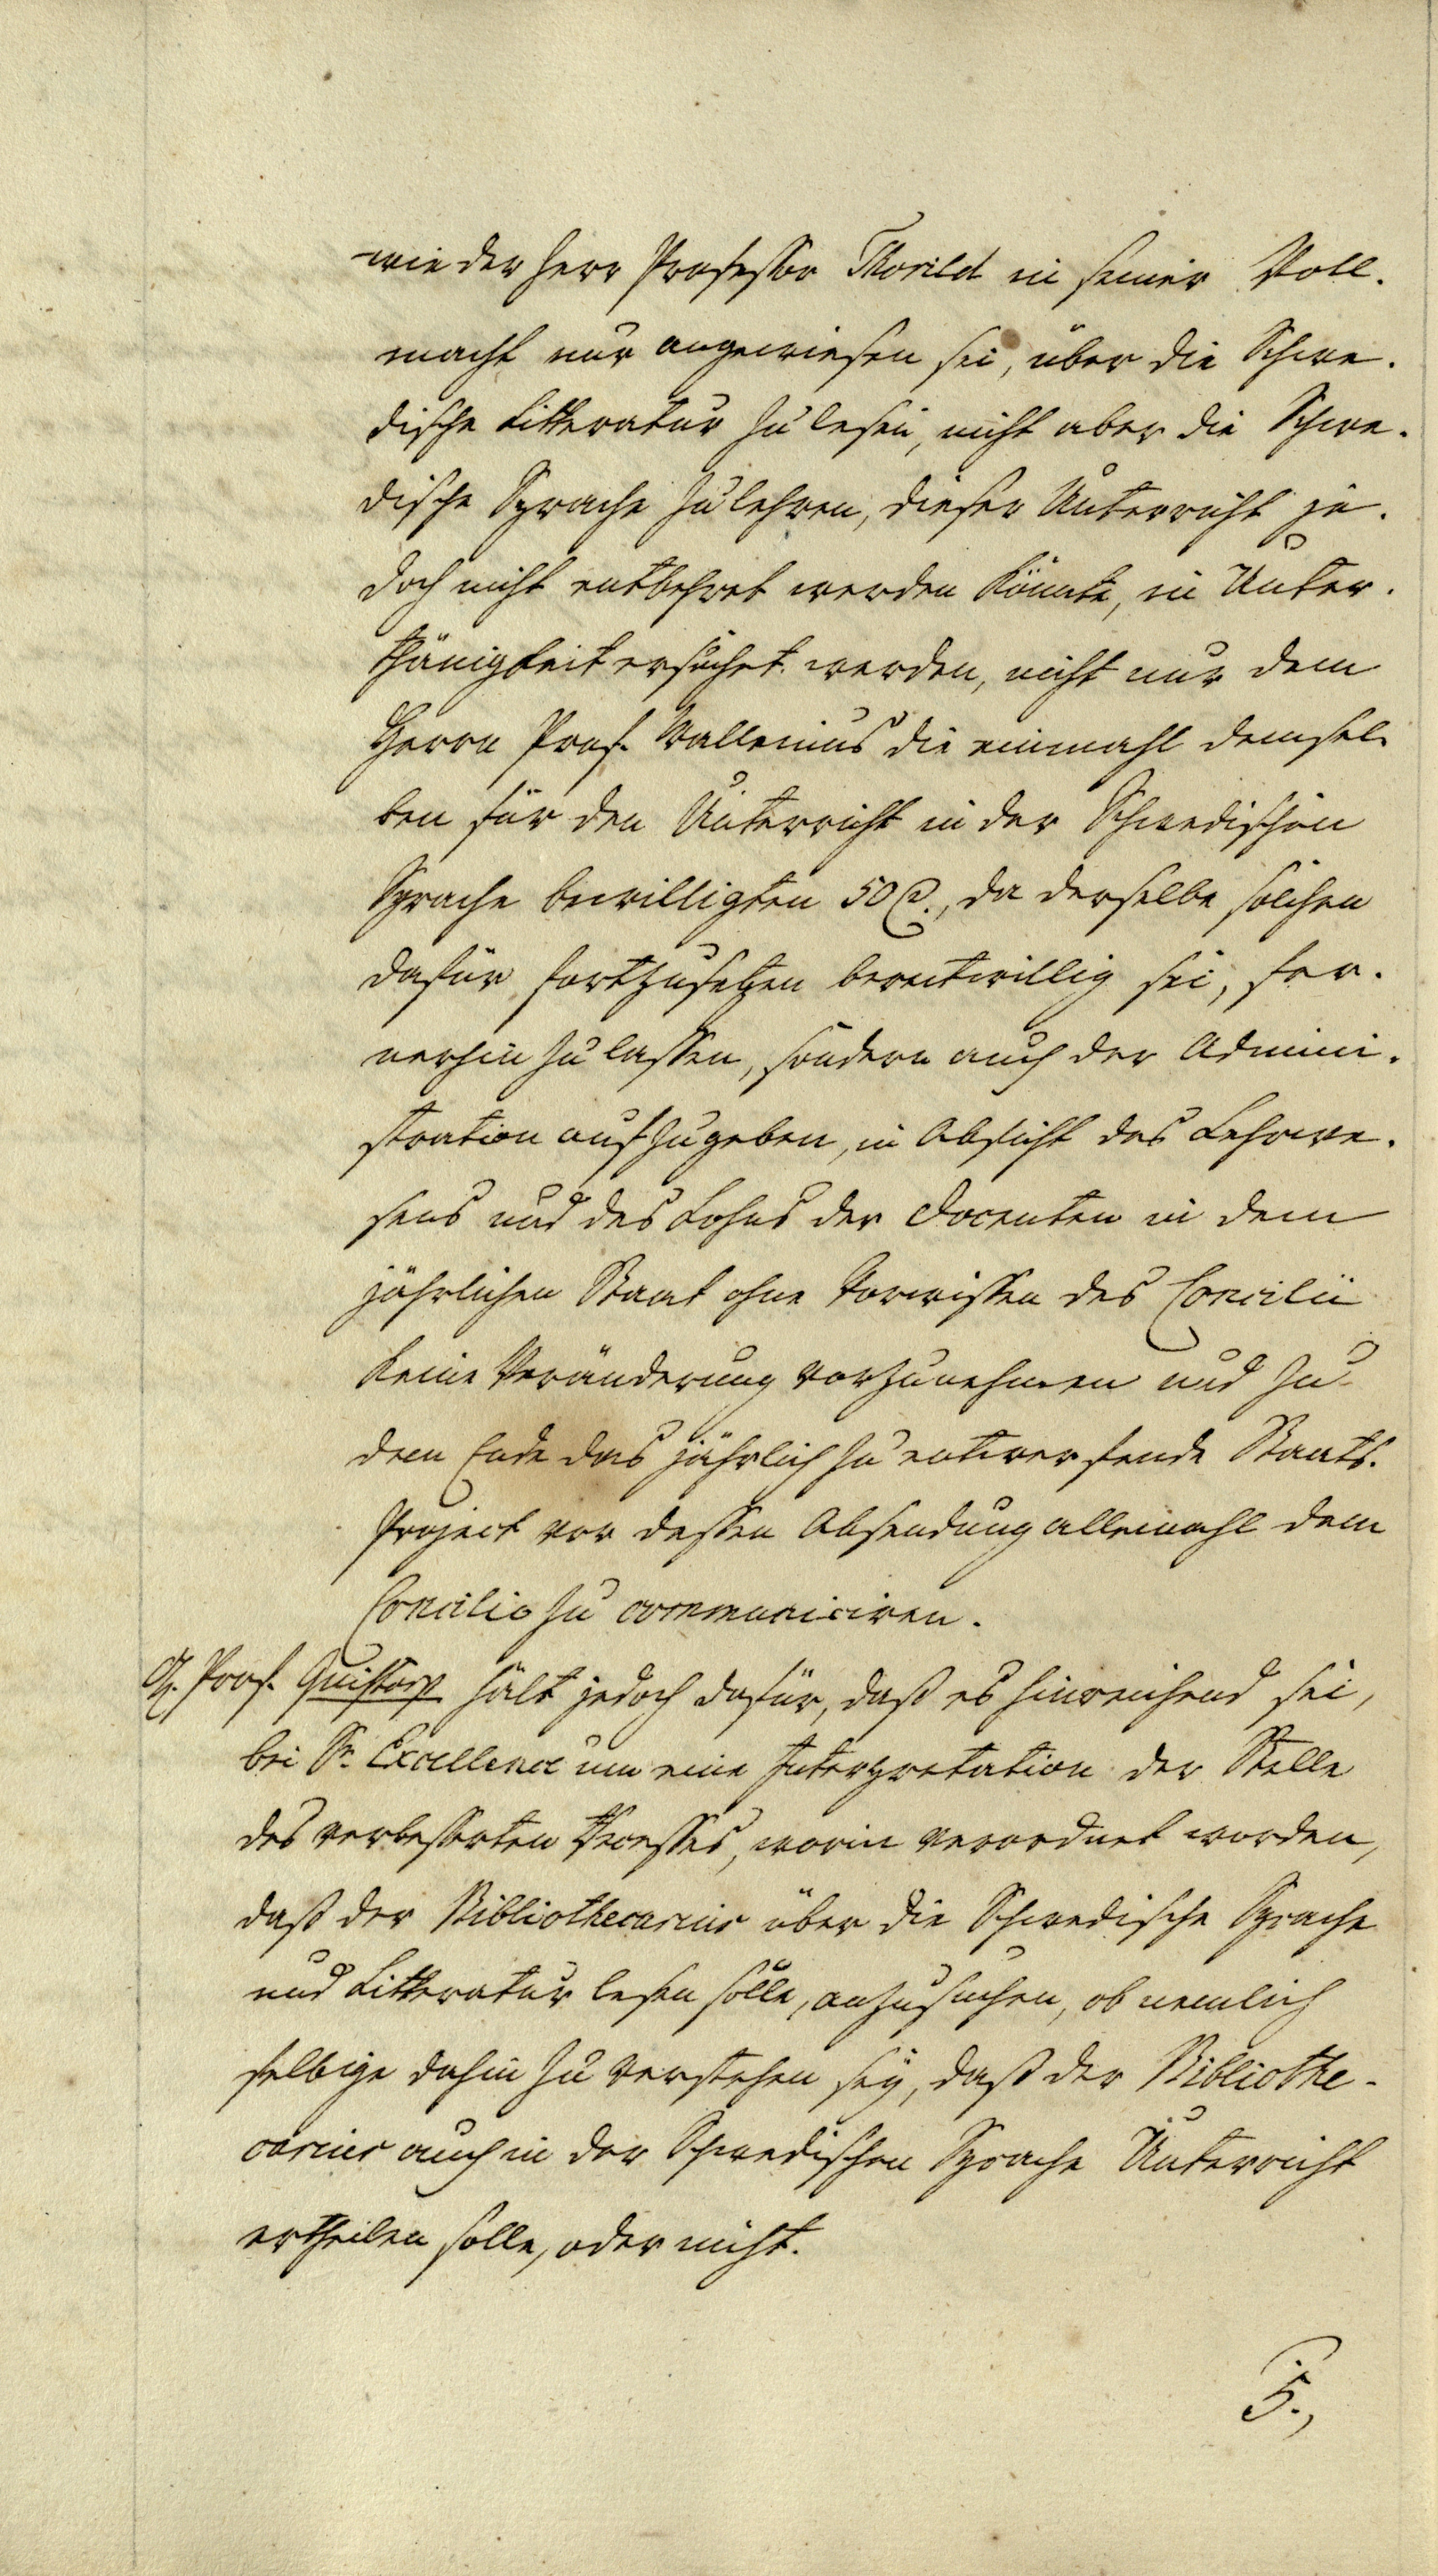wie der Herr Professor Thorild in seiner Voll¬
macht nur angewiesen sei, über die Schwe¬
dische Litteratur zu lesen, nicht aber die Schwe¬
dische Sprache zu lehren, dieser Unterricht je¬
doch nicht entbehret werden könnte, in Unter¬
thänigkeit ersuchet werden, nicht nur dem
Herrn Prof. Wallenius die einmahl demsel¬
ben für den Unterricht in der Schwedischen
Sprache bewilligten 50 l., da derselbe solchen
dafür fortzusetzen bereitwillig sei, fer¬
nerhin zu lassen, sondern auch der Admini¬
stration aufzugeben, in Absicht des Lehrwe¬
sen und des Lohns der Docenten in dem
jährlichen Staat ohne Vorwissen des Concilii
keine Veränderung vorzunehmen und zu
dem Ende das jährlich zu entwerfende Staats¬
Project vor dessen Absendung allemahl dem
Concilio zu communiciren.
dh. Prof Quistorp hält jedoch dafür, daß es hinreichend sei,
bei Sr Excellence um eine Interpretation der Stelle
des verbesserten Recesses, worin verordnet worden,
daß der Bibliothecarius über die Schwedische Sprache
und Litteratur lesen solle, anzusuchen, ob nemlich
selbige dahin zu verstehen seÿ, daß der Bibliothe¬
carius auch in der Schwedischen Sprache Unterricht
ertheilen solle, oder nicht.
5.,